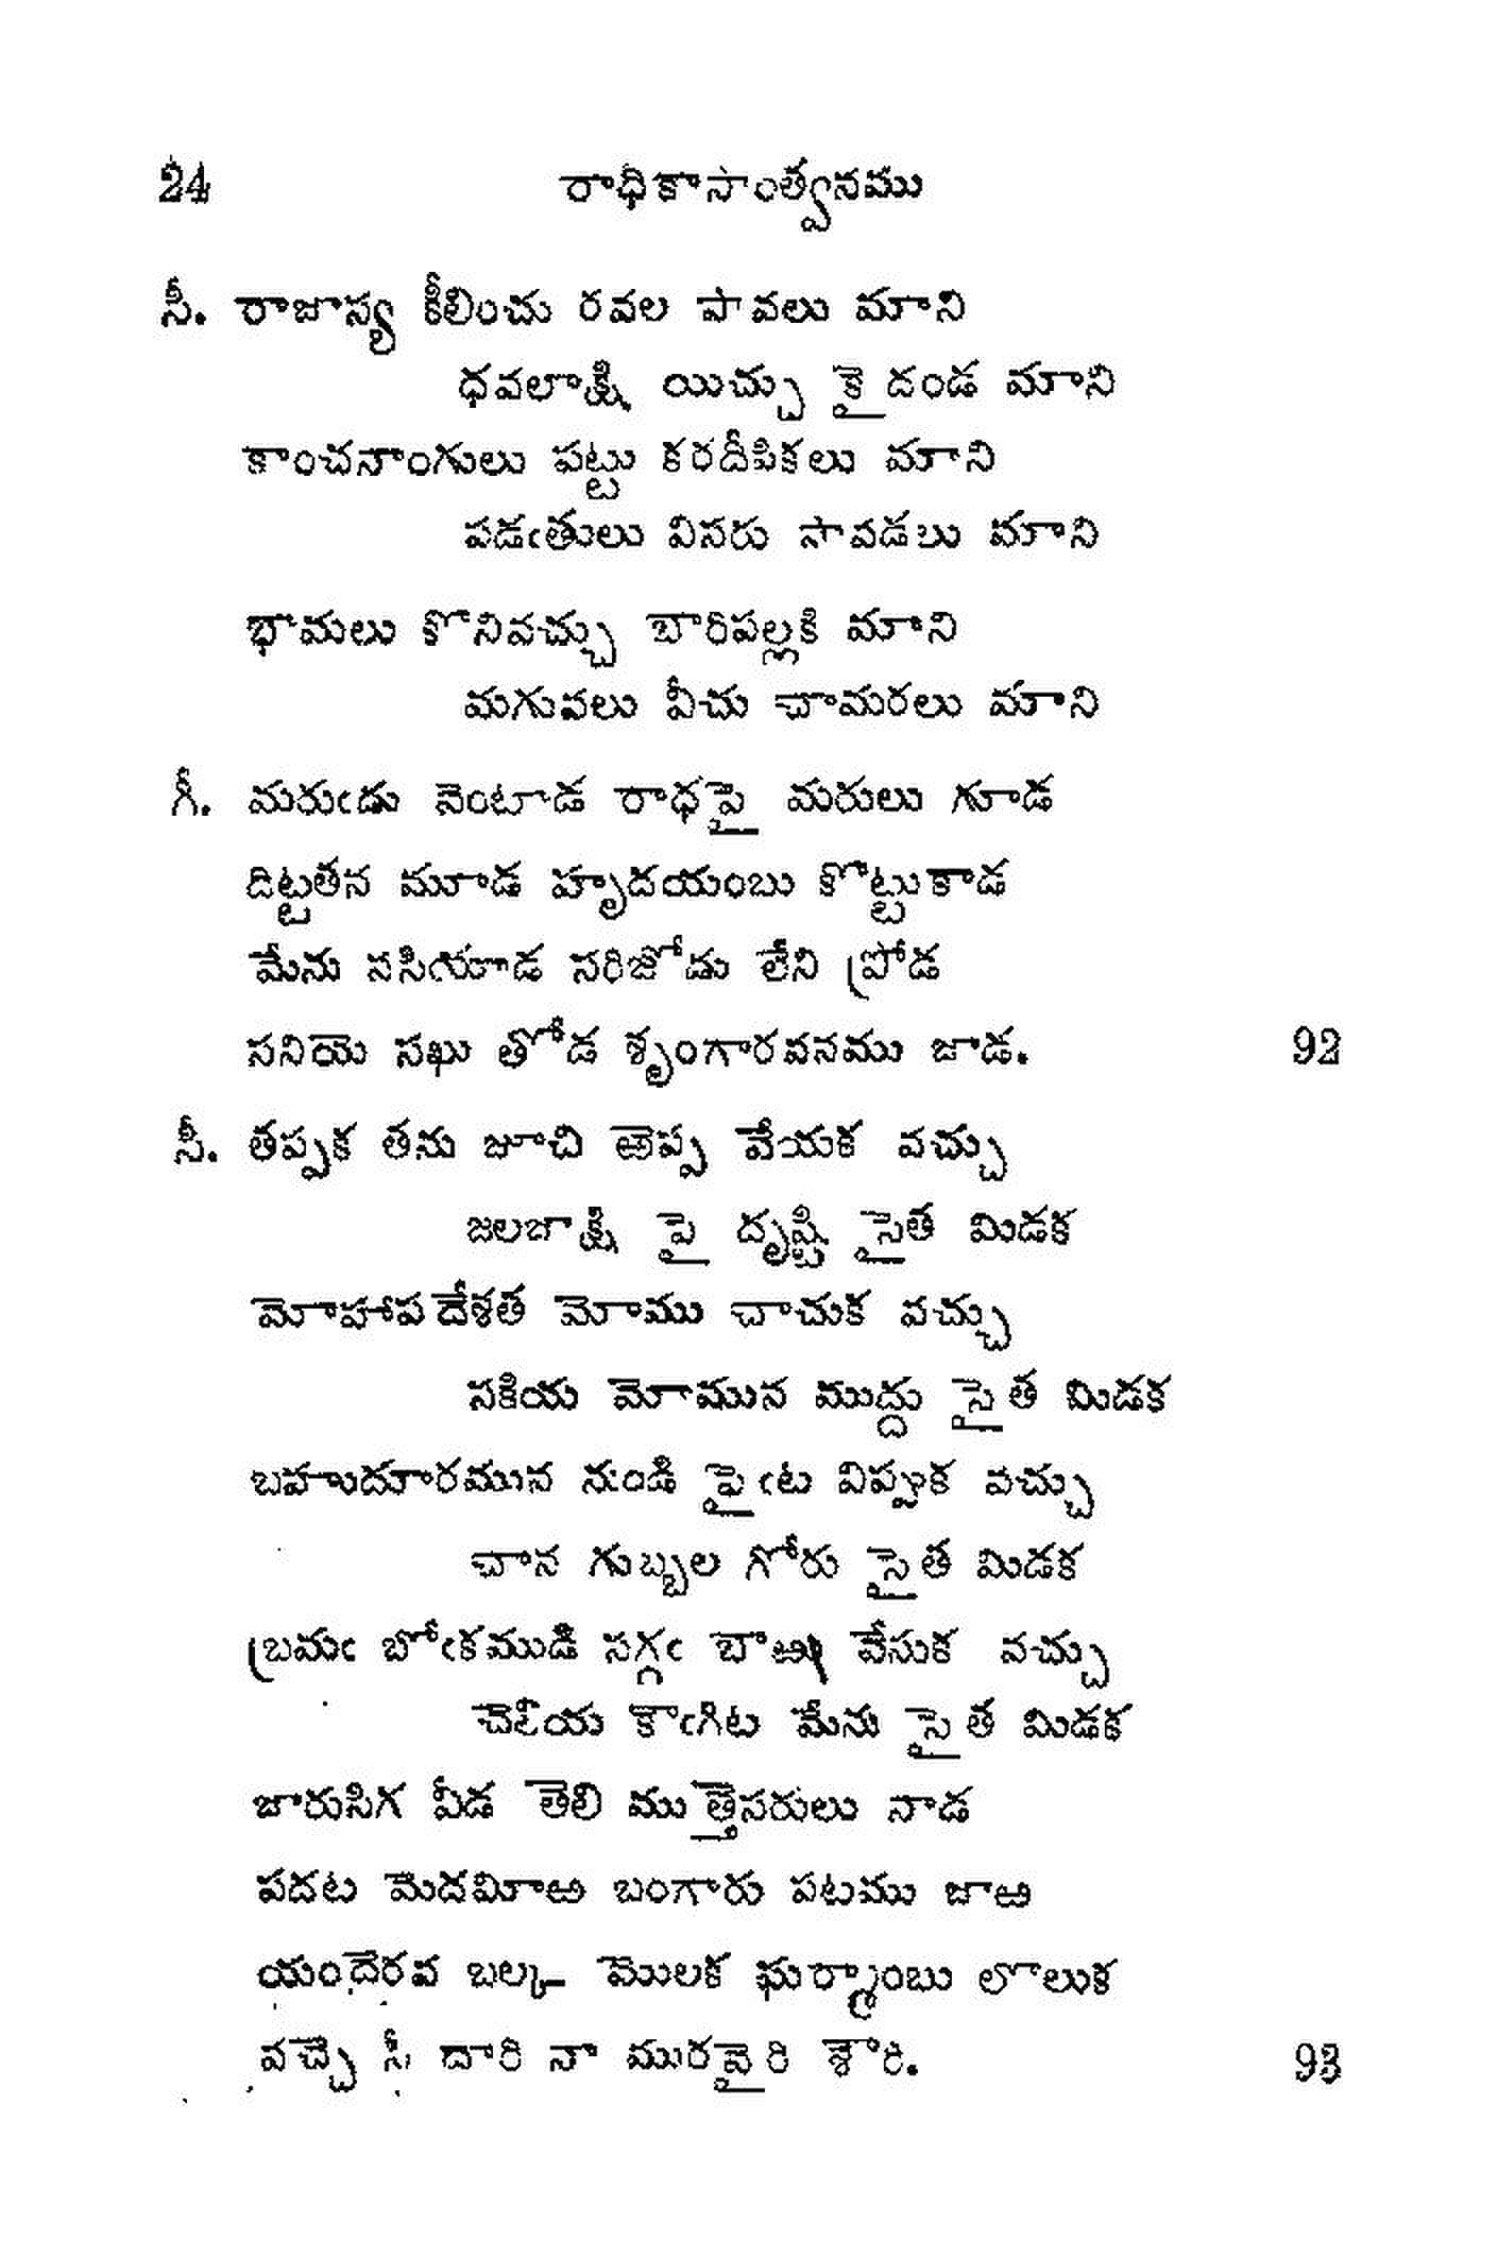సీ. రాజాస్య కీలించు రవల పావలు మాని
ధవలాక్షి యిచ్చు కైదండ మాని
కాంచనాంగులు పట్టు కరదీపికలు మాని
పడఁతులు విసరు సాపడలు మాని
భామలు కొనివచ్చు బారిపల్లకి మాని
మగువలు వీచు చామరలు మాని
గీ. మరుఁడు వెంటాడ రాధ పై మరులు గూడ
దిట్టతన మూడ హృదయంబు కొట్టుకాడ
మేను నసియాడ సరిజోడు లేని ప్రోడ
సనియె సఖుతోడ శృంగారవనము జాడ. 92

సీ. తప్పక తను జూచి ఱెప్ప వేయక వచ్చు
జలజాక్షిపై దృష్టి సైత మిడక 
మోహాపదేశత మోము చాచుక వచ్చు
సకియ మోమున ముద్దు సైత మిడక
బహుదూరమున నుండి పైఁట విప్పుక వచ్చు
చాన గుబ్బల గోరు సైత మిడక
బ్రమఁ బోఁకముడి సగ్గఁ బాఱు వేసుక వచ్చు
చెలియ కౌఁగిట మేను సైత మిడక
జారుసిగ వీడ తెలిముత్తెసరులు నాడ
పదట మెదమీఱ బంగారుపటము జాఱ
యందెరవ బల్క మొలక ఘర్మాంబు లొలుక
వచ్చె నీ దారి నా మురవైరి శౌరి. 93